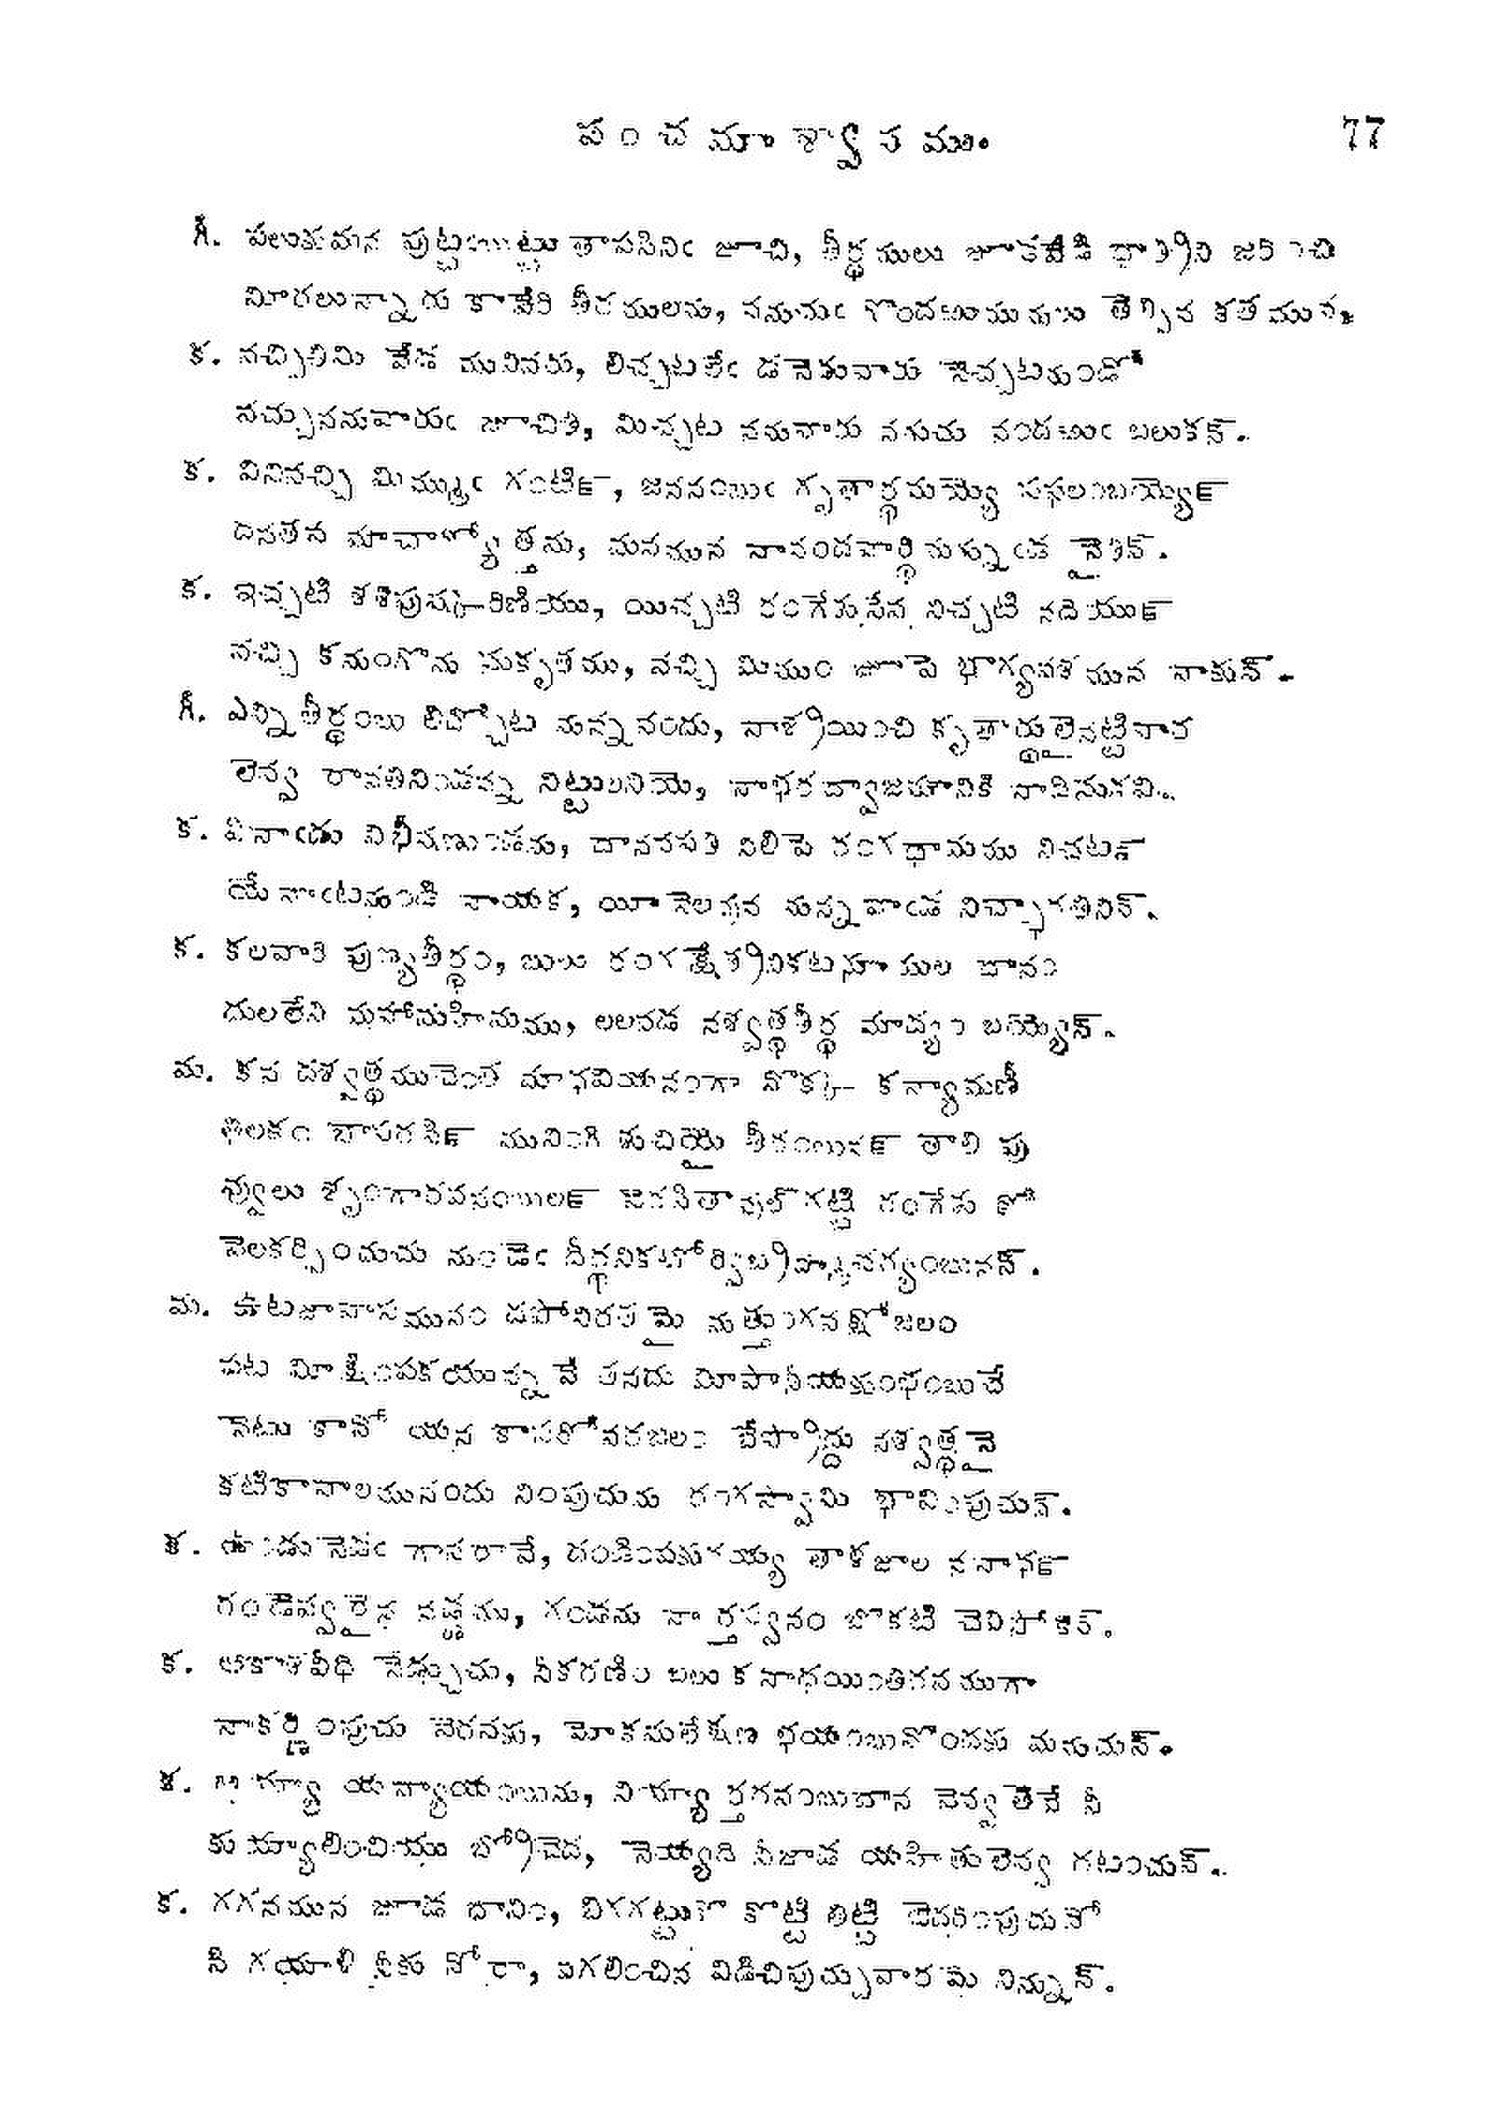గీ. పలుకుమన పుట్టయిట్టుతాపసినిఁ జూచి, తీర్ధములు జూడవేడి ధాత్రిని జరించి
 మీరలున్నారు కావేరి తీరములను, ననుచుఁ గొందరుమునులు తెల్పిన కతమున.
క. వచ్చితిమి వేడ మునివరు, లిచ్చట లేఁ డనెడువారు నెచ్చటనుండో
 వచ్చుననువారుఁ జూచితి, మిచ్చట ననువారు నగుచు నందఱుఁ బలుకన్.
క. వినివచ్చి మిమ్ముఁ గంటిన్, జననంబుఁ గృతార్థమమ్యె సఫలంబయ్యెన్
 దనతన మాచార్యోత్తమ, మనమున నానందవార్ధిమగ్నుఁడ నైతిన్.
క. ఇచ్చటి శశిపుష్కరిణియు, యిచ్చటి రంగేశుసేన నిచ్చటి నదియున్
 వచ్చి కనుంగొను సుకృతము, వచ్చి మిముం జూపె భాగ్యవశమున నాకున్.
గీ. ఎన్ని తీర్థంబు లిచ్చోట నున్న నందు, నాశ్రయించి కృతార్థులైనట్టివార
 లెవ్వ రానతినిండన్న నిట్టులనియె, నాభరద్వాజమౌనికి నాదిసుకవి.
కి. ఏనాడు విభీషణుండను, దానవపతి నిలిపె రంగధామము నిచటన్
 యేాఁటనుండి నాయక, యీ నెలవున నున్నవాఁడ నిచ్ఛారతినిన్.
క. కలవారి పుణ్యతీర్థం, బులు రంగక్షేత్రనికటభూముల దానం
 దులలేని మహామహిమము , లలవడ నశ్వత్థతీర్థ మాద్యం బయ్యెన్.
మ. కన దశ్వత్థము చెంత మాధవియనంగా నొక్క కన్యామణీ
 తిలకం బాసరసిన్ మునిగి శుచియై తీరంబునన్ తాలి పు
 వ్వులు శృంగారవనంబులన్ నెరసితావుల్ గట్టి రంగేశు కో
 వెలకర్పించుచు నుండె దీర్థనికటోర్విబ్రహ్మచర్యంబునన్.
మ. ఉటజావాసమునం దపోనిరతమై నుత్తుంగవక్షోజలం
 పట మీక్షింపకయున్ననే తనదు మీపానీయకుంభంబుచే
 నెటు కానో యన కాసరోవరబలం బేప్రొద్దు నశ్వత్థనై
 కటికానాలమునందు నింపుచును రంగస్వామి భావింపుచున్.
క. ఉండునెడ గానరావే, దండింపకుమయ్య తాళజాల ననాథన్
 రండెవ్వరైన నడ్డము, గండను నార్తస్వనం బొకటి చెవి సోకెన్.
క. ఆకాశవీథి నేడ్చుచు, నీకరణి బలు కనాథయింతిరవముగా
 నాకర్ణింపుచు వెరవకు, మోకమలేక్షణ భయంబునొందకు మనుచున్.
క. అయ్యా యన్యాయంబును, నియ్యార్తరవంబుదాన నెవ్వతెవే నీ
 కుయ్యాలించియు బ్రోచెద, నెయ్యది నీజాడ యహితులెవ్వ రటంచున్.
క. గగనమున జూడ దానిం, బిగగట్టుకొ కొట్టి కొట్టి బెదరింపుచు నో
 సి గయాళి నీకు నోరా, వగలించిన విడిచిపుచ్చువారమె నిన్నున్.